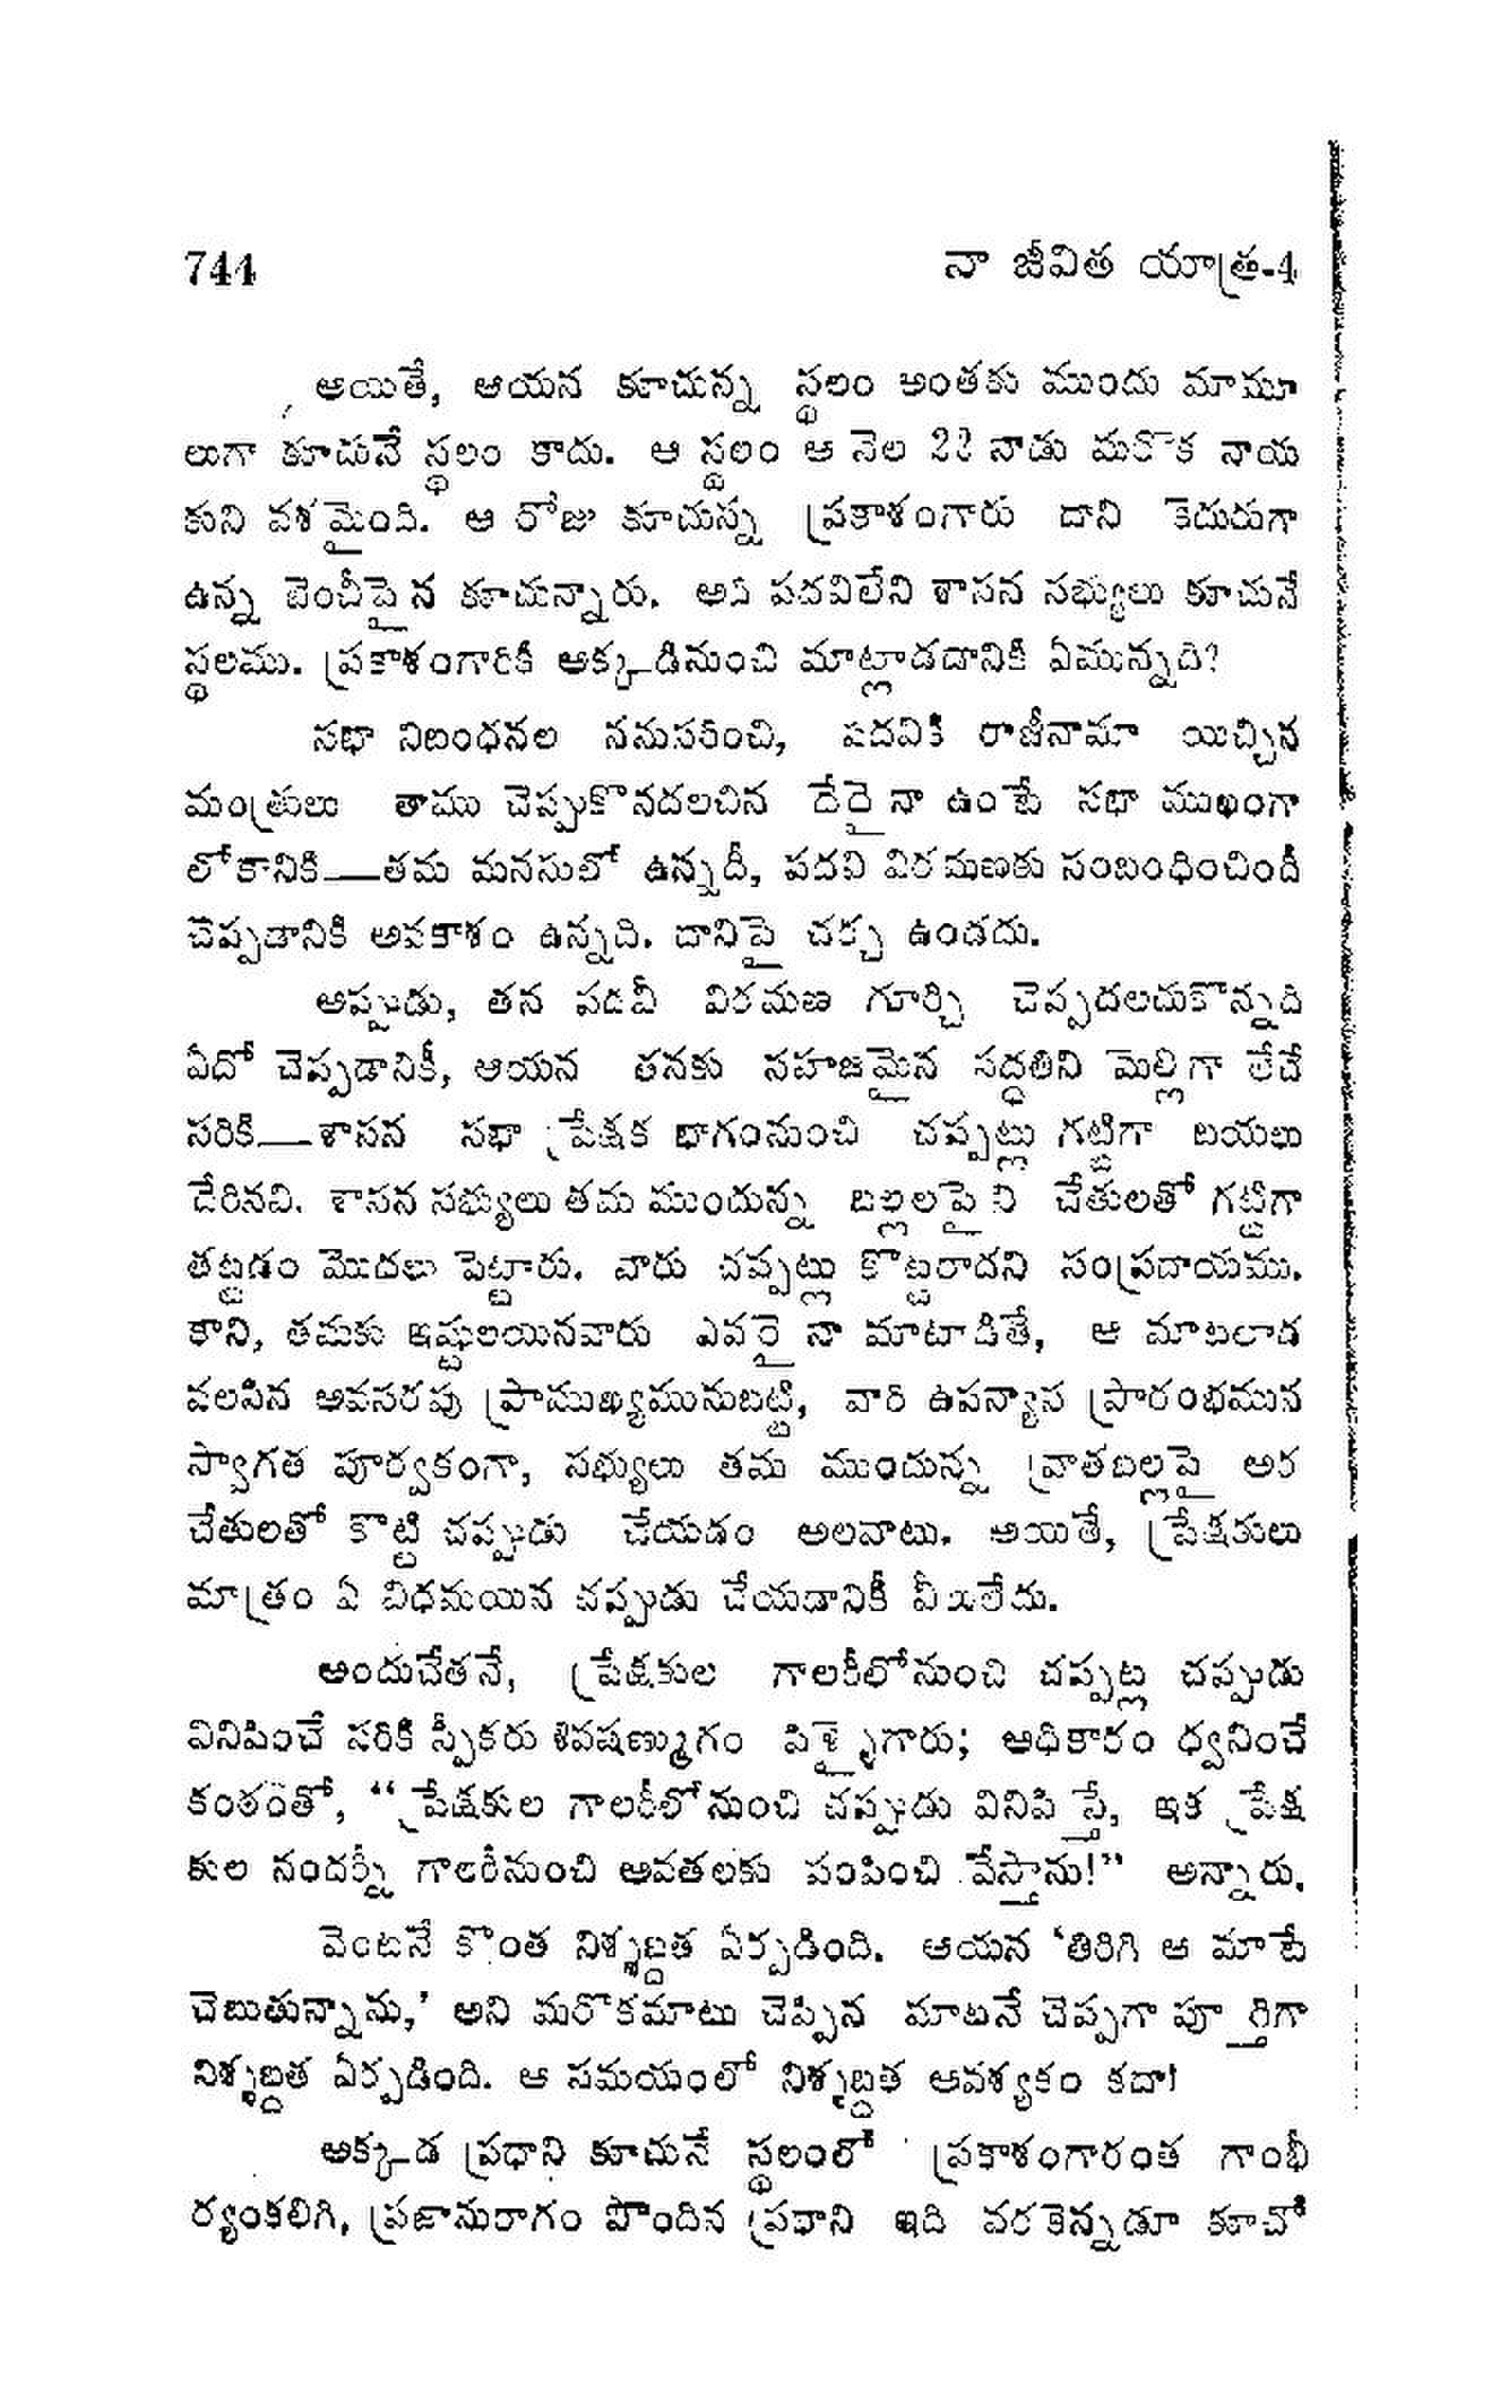అయితే, ఆయన కూచున్న స్థలం అంతకు ముందు మామూలుగా కూచునే స్థలం కాదు. ఆ స్థలం ఆ నెల 22 నాడు మరొక నాయకుని వశమైంది. ఆ రోజు కూచున్న ప్రకాశంగారు దాని కెదురుగా ఉన్న బెంచీపైన కూచున్నారు. అది పదవిలేని శాసన సభ్యులు కూచునే స్థలము. ప్రకాశంగారికి అక్కడినుంచి మాట్లాడడానికి ఏమున్నది?

సభా నిబంధనల ననుసరించి, పదవికి రాజీనామా యిచ్చిన మంత్రులు తాము చెప్పుకొనదలచిన దేదైనా ఉంటే సభా ముఖంగా లోకానికి - తమ మనసులో ఉన్నదీ, పదవి విరమణకు సంబంధించిందీ చెప్పడానికి అవకాశం ఉన్నది. దానిపై చర్చ ఉండదు.

అప్పుడు, తన పదవీ విరమణ గూర్చి చెప్పదలచుకొన్నది ఏదో చెప్పడానికీ, ఆయన తనకు సహజమైన పద్ధతిని మెల్లిగా లేచే సరికి - శాసన సభా ప్రేక్షక భాగంనుంచి చప్పట్లు గట్టిగా బయలు దేరినవి. శాసన సభ్యులు తమ ముందున్న బల్లలపైని చేతులతో గట్టిగా తట్టడం మొదలు పెట్టారు. వారు చప్పట్లు కొట్టరాదని సంప్రదాయము. కాని, తమకు ఇష్టులయినవారు ఎవరైనా మాటాడితే, ఆ మాటలాడ వలసిన అవసరపు ప్రాముఖ్యమునుబట్టి, వారి ఉపన్యాస ప్రారంభమున స్వాగత పూర్వకంగా, సభ్యులు తమ ముందున్న వ్రాతబల్లపై అరచేతులతో కొట్టి చప్పుడు చేయడం అలవాటు. అయితే, ప్రేక్షకులు మాత్రం ఏ విధమయిన చప్పుడు చేయడానికీ వీలులేదు.

అందుచేతనే, ప్రేక్షకుల గాలరీలోనుంచి చప్పట్లు చప్పుడు వినిపించే సరికి స్పీకరు శివషణ్ముగం పిళ్ళైగారు; అధికారం ధ్వనించే కంఠంతో, "ప్రేక్షకుల గాలరీలోనుంచి చప్పుడు వినిపిస్తే, ఇక ప్రేక్షకుల నందర్నీ గాలరీనుంచి అవతలకు పంపించి వేస్తాను!" అన్నారు.

వెంటనే కొంత నిశ్శబ్దత ఏర్పడింది. ఆయన 'తిరిగి ఆ మాటే చెబుతున్నాను,' అని మరొకమాటు చెప్పిన మాటనే చెప్పగా పూర్తిగా నిశ్శబ్దత ఏర్పడింది. ఆ సమయంలో నిశ్శబ్దత అవశ్యకం కదా!

అక్కడ ప్రధాని కూచునే స్థలంలో ప్రకాశంగారంత గాంభీర్యంకలిగి, ప్రజానురాగం పొందిన ప్రధాని ఇది వర కెన్నడూ కూచో